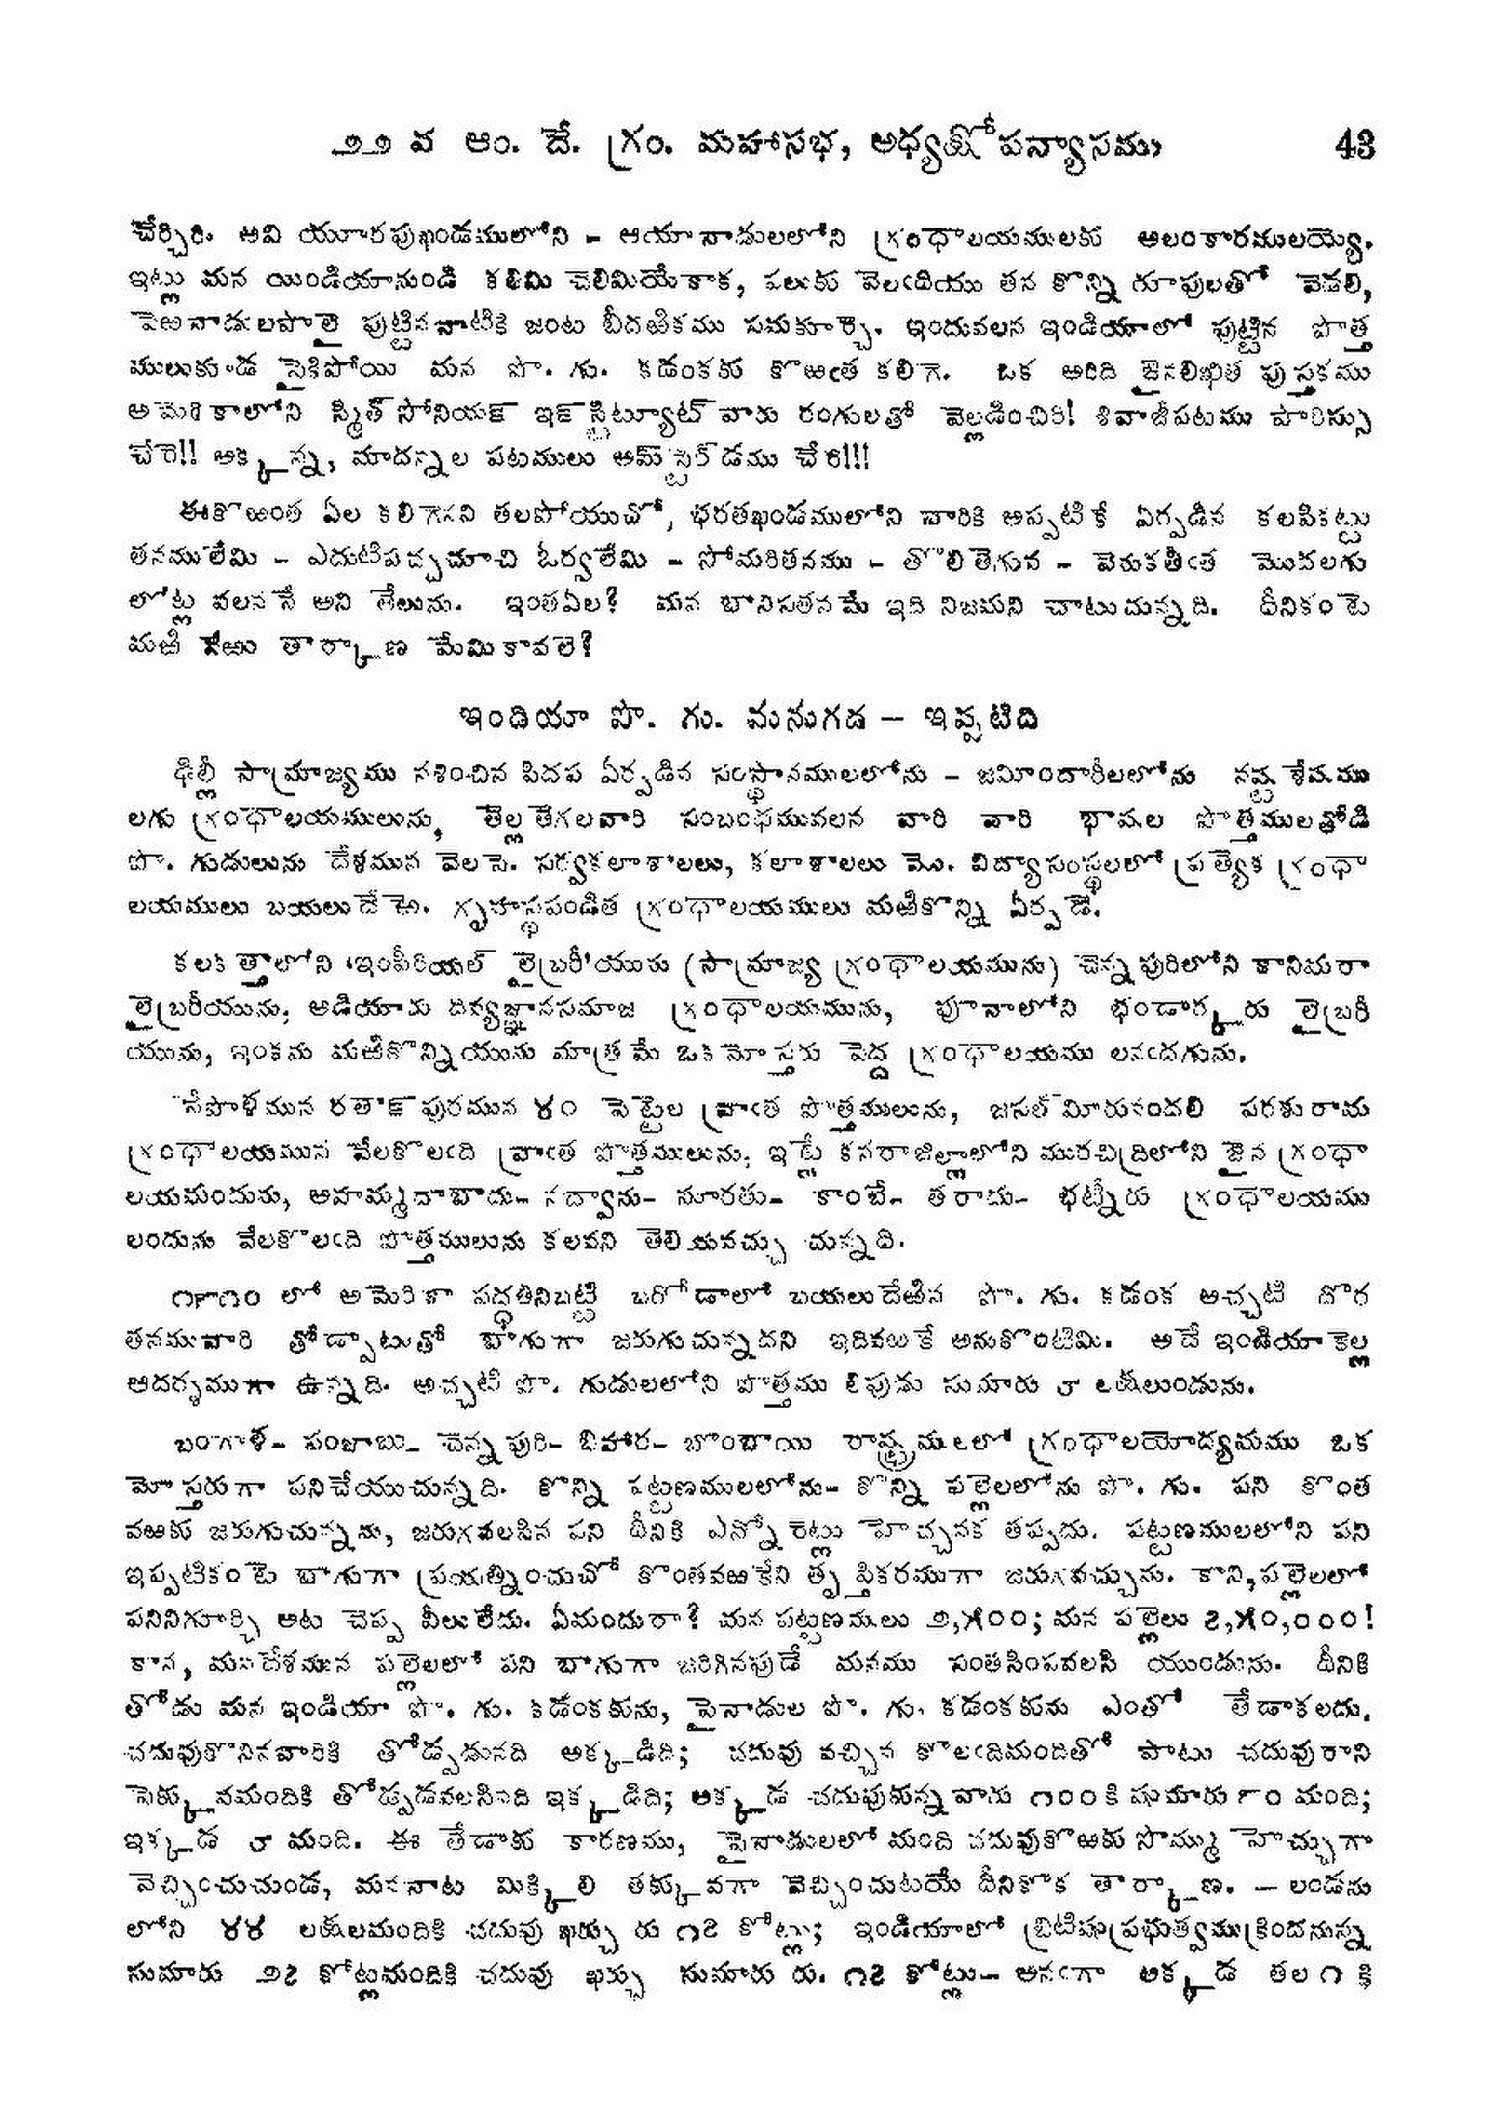చేర్చిరి. అవి యూరపు ఖండములోని - ఆయా నాడులలోని గ్రంధాలయములకు అలంకారములయ్యే. ఇట్లు మన 
యిండియానుండి కలిమి చెలిమియేకాక, పఱకు వెలఁద్రియు తన కొన్ని రూపులతో వెడలి, వెఱనాడుల పాలై పుట్టిన 
నాటికి జంట బీదఱికము సమకూర్చె. ఇందువలన ఇండియాలో పుట్టిన పొత్తములుకూడ పైకిపోయి మన పొ.గు. 
కడంకకు కొఱఁత కలిగె. ఒక అరిది జైనలిఖిత పుస్తకము అమెరికాలోని స్మిత్ సోనియ౯ ఇ౯స్టిట్యూట్ వారు రంగులతో 
వెల్లడించిరి! శివాజీ పటము పారిస్సు చేరె!! అక్కన్న, మాదన్నల పటములు అండ్డ్రమ్ చేరె!!!

ఈకొఱంత ఏల కలిగెనని తలపోయుచో, భరతఖండములోని వారికి అప్పటికే ఏర్పడిన కలసికట్టు తనము లేమి
- ఎదుటిపచ్చ చి ఓర్వలేమి - సోమరితనము - తొలి తెగువ - వెనుకతీఁత మొదలగు లోట్ల వలననే అని తేలును. 
ఇంత ఏల? మన బానిసతనమే ఇది నిజమని చాటుచున్నది. దీనికంటె మణి నేఱు తార్కాణ మేమికావలె?

ఢిల్లీ సామ్రాజ్యము నశించిన పిదప ఏర్పడిన సంస్థానములలోను - జమీందారీలలోను నష్ట శేషము లగు 
గ్రంధాలయములును, తెల్ల తెగలవారి సంబంధమువలన వారి వారి భాషల సొత్తములతోడి పొ.గుడులును 
దేశమున వెలసె. సర్వకలాశాలలు, కళాశాలలు మొ. విద్యా సంస్థలలో ప్రత్యేక గ్రంథాలయములు బయలుదేజెఱ. 
గృహస్థపండిత గ్రంథాలయములు మఱికొన్ని ఏర్పడే.

కలకత్తాలోని 'ఇంపీరియల్ లైబ్రరీ' యును (సామ్రాజ్య గ్రంథాలయమును) చెన్నపురిలోని కానిమరా
లైబ్రరీయును, అడియారు దివ్యజ్ఞానసమాజ గ్రంధాలయమును, పూనాలోని భండార్కరు లైబ్రరీ యును, ఇంకను 
మఱికొన్నియును మాత్రమే ఒక మోస్తరు పెద్ద గ్రంథాలయము లనఁదగును.

నేపాళమున రతా౯ పురమున ౪౦ పెట్టెల వ్రాఁత పొత్తములును, జసల్ మీరునందలి పరశురామ గ్రంధాలయమున 
వేలకొలఁది వ్రాఁత పొత్తములును. ఇట్లే కనరాజిల్లాలోని మురచిద్రిలోని జైన గ్రంధాలయమందును, 
అహమ్మదాబాదు-సద్వాను-సూరతు-కాంబే-తరాదు. భట్నీరు గ్రంథాలయము లందును వేలకొలఁది పొత్తములును 
కలవని తెలియవచ్చుచున్నది.

౧౯౧౦ లో అమెరికా పద్ధతినిబట్టి బరోడా బయలుదేఱితిన పొ.గు.కడంక అచ్చటి దొర తనము వారి తోడ్పాటుతో 
బాగుగా జరుగుచున్నదని ఇదివఱకే అనుకొంటిమి. అదే ఇండియా కెల్ల ఆదర్శముగా ఉన్నది. అచ్చటి పొ.గుడులలోని 
పొత్తము లీపుడు సుమారు ౮ లక్షలుండును.

బంగాళ-పంజాబు-చెన్నపురి-ఓహార-బొంబాయి రాష్ట్రములలో గ్రంథాలయోద్యమము ఒక మోస్తరుగా పనిచేయుచున్నది.
కొన్ని పట్టణములలోను కొన్ని పల్లెలలోను పొ.గు. పని కొంత వఱకు జరుగుచున్నను, జరుగవలసిన పని దీనికి ఎన్నో 
రెట్లు హెచ్చనక తప్పదు. పట్టణములలోని పని ఇప్పటికంటె బాగుగా ప్రయత్నించుచో కొంతవఱకేని తృప్తికరముగా 
జరుగవచ్చును. కాని, పల్లెలలో పనినిగూర్చి ఆట చెప్ప వీలు లేదు. ఏమందురా? మన పట్టణములు ౨,౫౦౦;
మన పల్లెలు ౭,౫౦,౦౦౦! కాన, మన దేశమున పల్లెలలో పని బాగుగా జరిగినపుడే మనము సంతసింపవలసి 
యుండును. దీనికి తోడు మన ఇండియా పొ.గు.కడ౦కకును, పైనాడుల పొ.గు.కడంకకును ఎంతో తేడాకలదు.
చదువుకొనినవారికి తోడ్పడునది అక్కడిది; చదువు వచ్చిన కొలఁదిమందితో పాటు చదువురాని పెక్కువమందికి 
తోడ్పడవలసింది ఇక్కడిది; అక్కడ చదువుకున్న వారు ౧౦౦ షుమారు ౯౦ మంది; ఇక్కడ ౮ మంది. ఈ తేడాకు 
కారణము, పైనాడులలో మంది చదువుకొఱకు సొమ్ము హెచ్చుగా వెచ్చించుచుండ, మనాట మిక్కిలి తక్కువగా 
వెచ్చించుటయే దీనికొక తార్కాణ. - లండను ౪౪ లక్షలమందికి చదువు ఖర్చు రు ౧౭ కోట్లు; ఇండియాలో 
బ్రిటీషు ప్రభుత్వము క్రింద నున్న సుమారు ౨౭ కోట్లమందికి చదువు ఖర్చు సుమారు రూ. ౧౭2 కోట్లు-అనఁగా 
అక్కడ తల ౧ కి